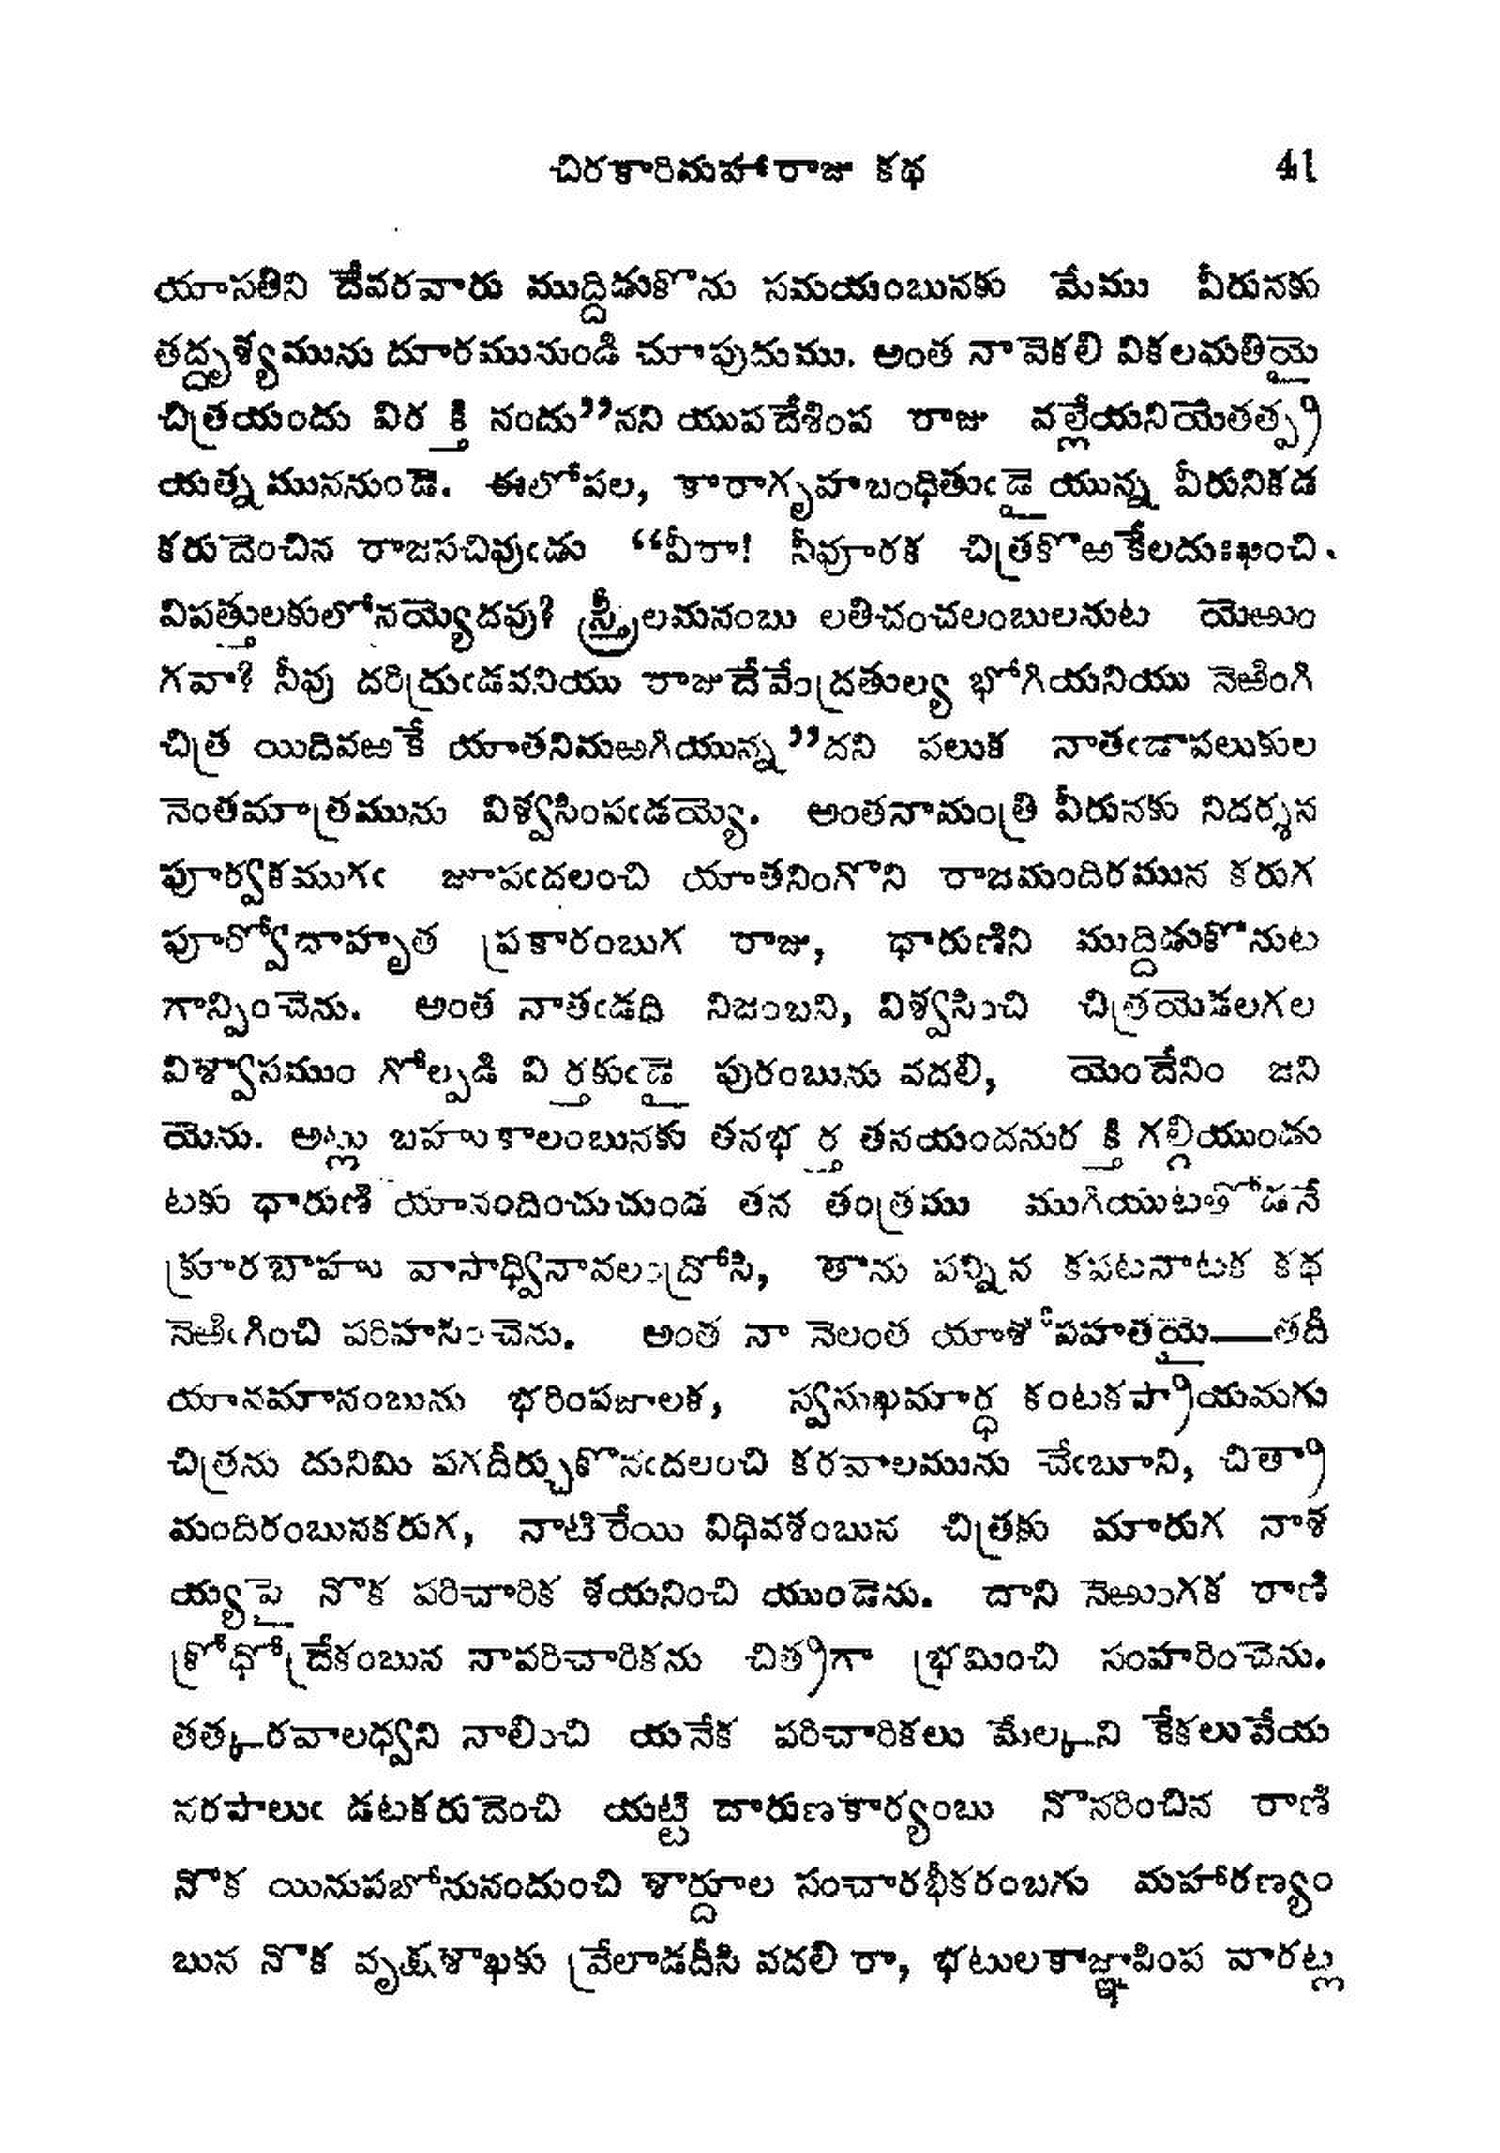యాసతిని దేవరవారు ముద్దిడుకొను సమయంబునకు 'మేము వీరునకు తద్దృశ్యమును దూరమునుండి చూపుదుము. అంత నావెకలి వికలమతియై చిత్రయందు విరక్తి నందు"నని యుపదేశింప రాజు వల్లేయనియేతత్ప్ర యత్నముననుండె. ఈలోపల, కారాగృహబంధితుఁడై యున్న వీరునికడ కరు దెంచిన రాజసచివుఁడు "వీరా! నీవూరక చిత్ర కోఱకేలదుఃఖించి, విపత్తులకు లోనయ్యేదవు? స్త్రీలమనంబు లతిచంచలంబులనుట యెఱుంగవా? నీవు దరిద్రుఁడవనియు రాజు దేవేంద్రతుల్య భోగియనియు నెఱింగి చిత్ర యిదివఱకే యాతనిమఱిగియున్న "దని పలుక నాతఁడాపలుకుల నెంతమాత్రమును విశ్వసింపఁడయ్యె. అంతనామంత్రి వీరునకు నిదర్శన పూర్వకముగఁ జూపఁదలంచి యాతనింగొని రాజమందిరమున కరుగ
పూర్వోదాహృత ప్రకారంబుగ 'రాజు, ధారుణిని ముద్దిడుకొనుట గాన్పించేను. అంత నాతఁడది నిజంబని, విశ్వసించి చిత్రయెకలగల విశ్వాసముం గోల్పడి విరక్తుఁడై పురంబును వదలి, యెందేనిం జనియెను. అట్లు బహుకాలంబునకు తనభర్త తనయందనురక్తి గల్గియుండుటకు ధారుణి యానందించుచుండ తన తంత్రము ముగియుటతోడనే క్రూరబాహు వాసాధ్వినావలంద్రోసి, తాను పన్నిన కపట నాటక కథ నెఱింగించి పరిహసించెను. అంత నా నెలంత యాశోపహతయై——తదీ
యావమానంబును భరింపజాలక, స్వసుఖమార్ధ కంటక ప్రాయమగు చిత్రను దునిమి పగదీర్చుకొనఁ దలంచి కరవాలమును చేఁబూని, చిత్రా మందిరంబునకరుగ, నాటి రేయి విధివశంబున చిత్రకు మారుగ నాశయ్యపై నొక పరిచారిక శయనించి యుండెను. దాని నెఱుంగక రాణిక్రోధోద్రేకంబున నాపరిచారికను చిత్రగా భ్రమించి సంహరించెను.తత్కరవాలధ్వని నాలించి యనేక పరిచారికలు 'మేల్కని కేకలు వేయ నరపాలుఁ డటకరు దెంచి యట్టి దారుణ కార్యంబు నొనరించిన రాణి నొక యినుపబోనునందుంచి శార్దూల సంచార భీకరంబగు మహారణ్యంబున నొక వృక్ష శాఖకు వ్రేలాడదీసి వదలి రా, భటుల కాజ్ఞాపింప వారట్ల